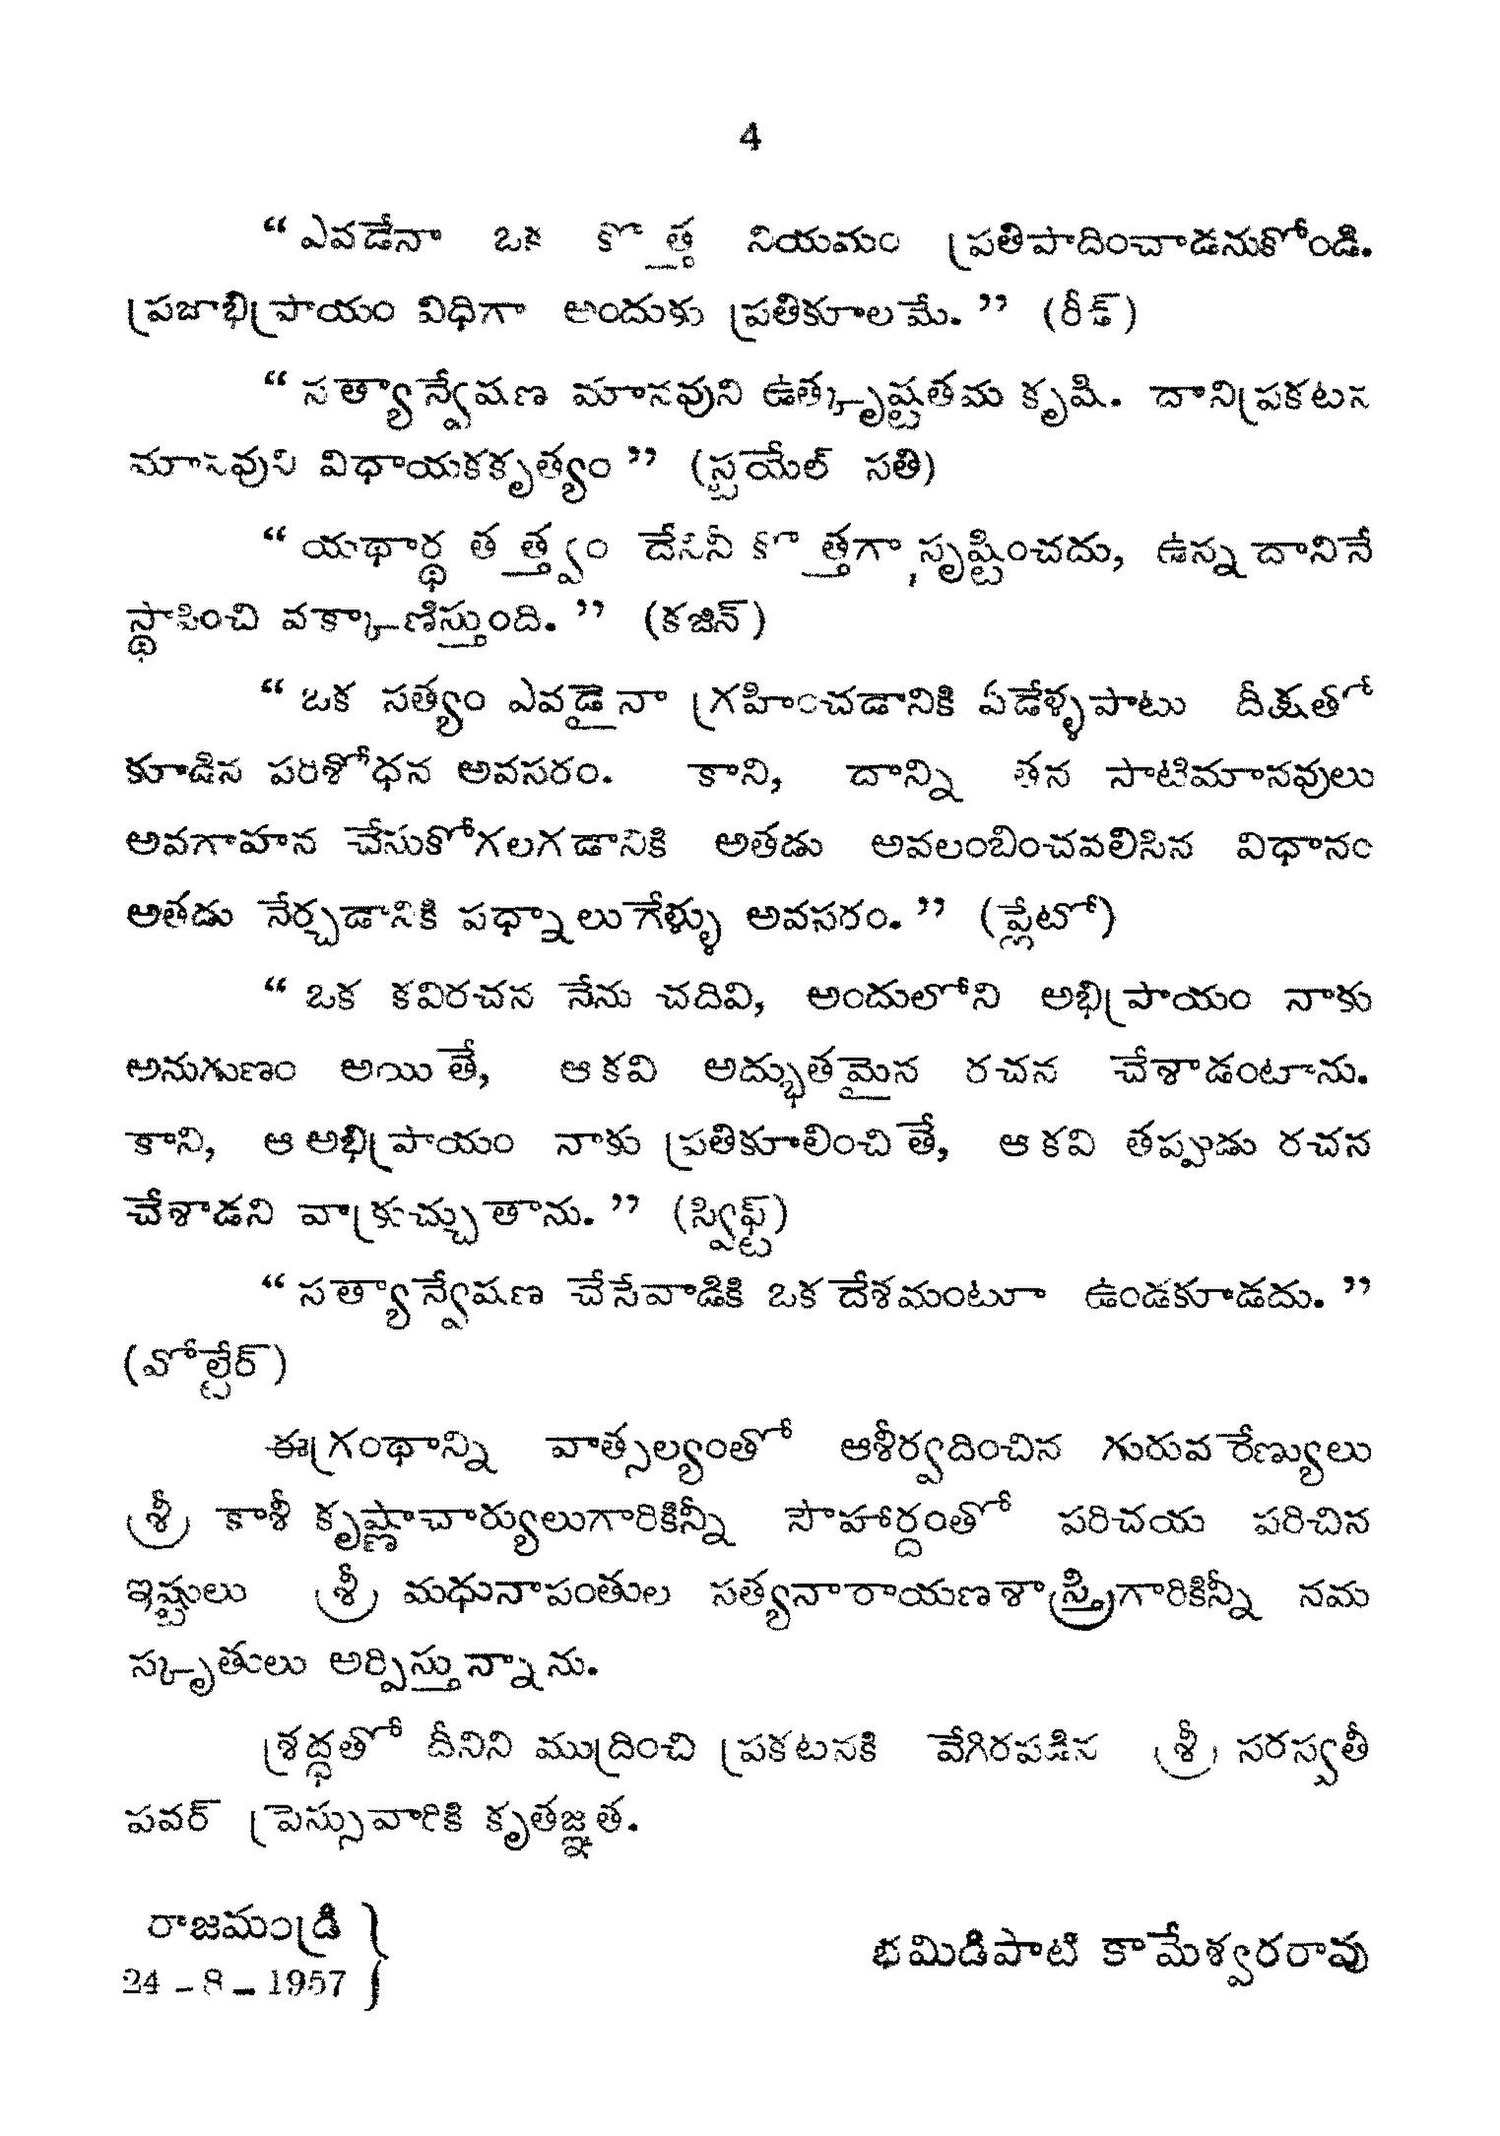"ఎవడేనా ఒక కొత్త నియమం ప్రతిపాదించాడనుకోండి.
ప్రజాభిప్రాయం విధిగా అందుకు ప్రతికూలమే. " (రీడ్)

"సత్యాన్వేషణ మానవుని ఉత్కృష్టతమ కృషి. దానిప్రకటన
మానవుని విధాయకకృత్యం ” (స్టయేల్ సతి)

"యథార్థ తత్త్వం దేనినీ కొత్తగా సృష్టించదు, ఉన్నదానినే
స్థాపించి వక్కాణిస్తుంది.” (కజిన్)

"ఒక సత్యం ఎవడైనా గ్రహించడానికి ఏడేళ్ళపాటు దీక్షతో
కూడిన పరిశోధన అవసరం. కాని, దాన్ని తన సాటిమానవులు
అవగాహన చేసుకోగలగడానికి అతడు అవలంబించవలిసిన విధానం
అతడు నేర్చడానికి పధ్నాలుగేళ్ళు అవసరం. " (ప్లేటో)

"ఒక కవిరచన నేను చదివి, అందులోని అభిప్రాయం నాకు
అనుగుణం అయితే, ఆకవి అద్భుతమైన రచన చేశాడంటాను.
కాని, ఆ అభిప్రాయం నాకు ప్రతికూలించితే, ఆకవి తప్పుడు రచన
చేశాడని వాక్రుచ్చుతాను. ” (స్విఫ్ట్)

“సత్యాన్వేషణ చేసేవాడికి ఒక దేశమంటూ ఉండకూడదు. "
(వోల్టేర్)

ఈగ్రంథాన్ని వాత్సల్యంతో ఆశీర్వదించిన గురువరేణ్యులు
శ్రీ కాశీ కృష్ణాచార్యులుగారికిన్నీ సౌహార్దంతో పరిచయ పరిచిన
ఇష్టులు శ్రీ మధునాపంతుల సత్యనారాయణశాస్త్రిగారికిన్నీ నమ
స్కృతులు అర్పిస్తున్నాను.

శ్రద్ధతో దీనిని ముద్రించి ప్రకటనకి వేగిరపడిన శ్రీ సరస్వతీ
పవర్ ప్రెస్సువారికి కృతజ్ఞత.